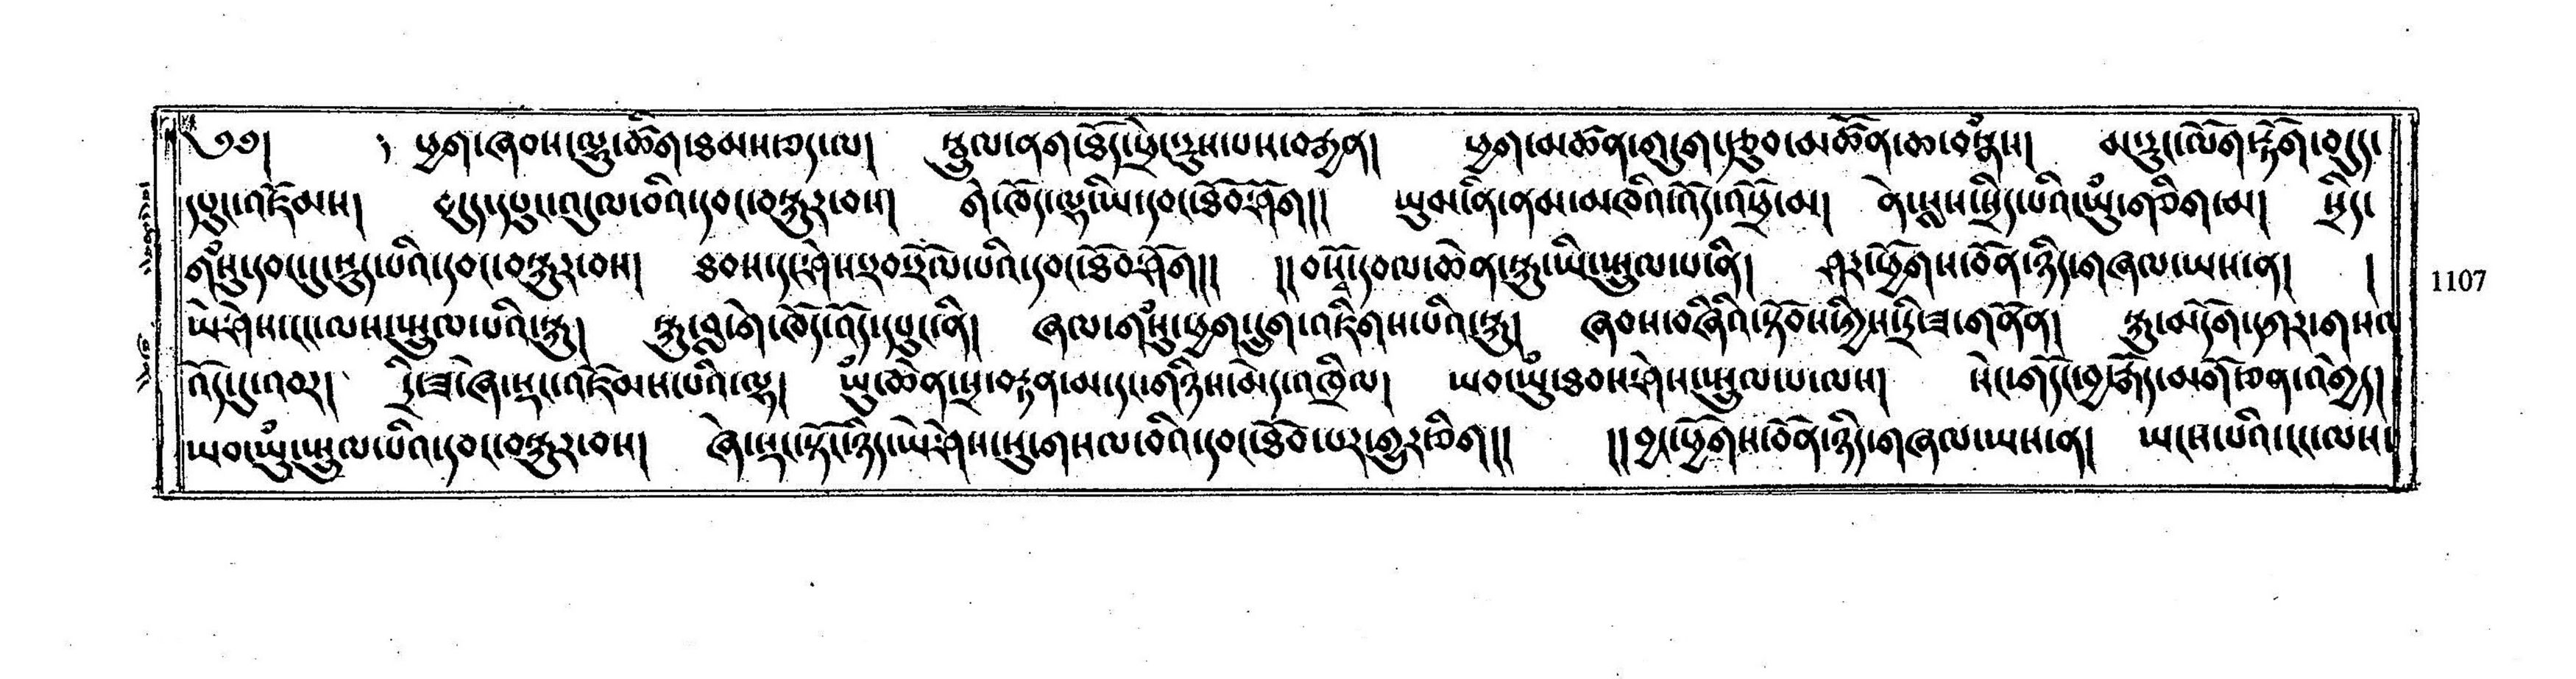ཕྱག་ཞབས་ལྷུ་ཚིག་ཐམས་ཅད་ལ། སྦྲུལ་ནག་ཐོད་ཕྲེང་རུས་པས་བརྒྱན། ཕྱག་མཚན་གདུག་རྩུབ་མཚོན་ཆ་བསྣམས། མ་རུང་ལོག་རྟོག་བདུད་
དཔུང་འཇོམས། བདུད་དཔུང་འདུལ་བའི་དབང་བསྐུར་བས། གེ་ཁོད་ལྷ་ཡི་དབང་ཐོབ་ཤོག ཡུམ་ནི་ནམ་མཁའི་འོད་འཕྲོ་མ། ནེ་སླས་སྲིད་པའི་ཡུམ་གཅིག་མ། སྲིད་
གསུམ་དབང་དུ་སྡུད་པའི་དབང་བསྐུར་བས། {1127} ཐབས་དང་ཤེས་རབ་རོལ་པའི་དབང་ཐོབ་ཤོག །།བསྭོ་དབལ་ཆེན་སྐུ་ཡི་སྤྲུལ་པ་ནི། ཤར་ཕྱོགས་བོན་ཉིད་གཞལ་ཡས་ན། 
ཡེ་ཤེས་ངང་ལས་སྤྲུལ་པའི་སྐུ། སྐུ་བླ་གེ་ཁོད་འོད་དཔུང་ནི། ཞལ་གསུམ་ཕྱག་དྲུག་འཇིགས་པའི་སྐུ། ཞབས་བཞིའི་སྟོབས་ཀྱིས་དྲི་ཟ་གནོན། སྐུ་མདོག་དཀར་གསལ་
འོད་དུ་འབར། དྲི་ཟ་ཞེ་སྡང་འཇོམས་པའི་ལྷ། ཡུམ་ཆེན་སྲ་བརྟན་མ་དང་གཉིས་མེད་འཁྲིལ། ཡབ་ཡུམ་ཐབས་ཤེས་སྤྲུལ་པ་ལས། སེང་གདོང་བྱ་རྒོད་མགོ་ཅན་འགྱེད། 
ཡབ་ཡུམ་སྤྲུལ་པའི་དབང་བསྐུར་བས། ཞེ་སྡང་སྟོང་ཉིད་ཡེ་ཤེས་སུ་གསལ་བའི་དབང་ཐོབ་པར་གྱུར་ཅིག །།བྱང་ཕྱོགས་བོན་ཉིད་གཞལ་ཡས་ན། ཡངས་པའི་ངང་ལས་